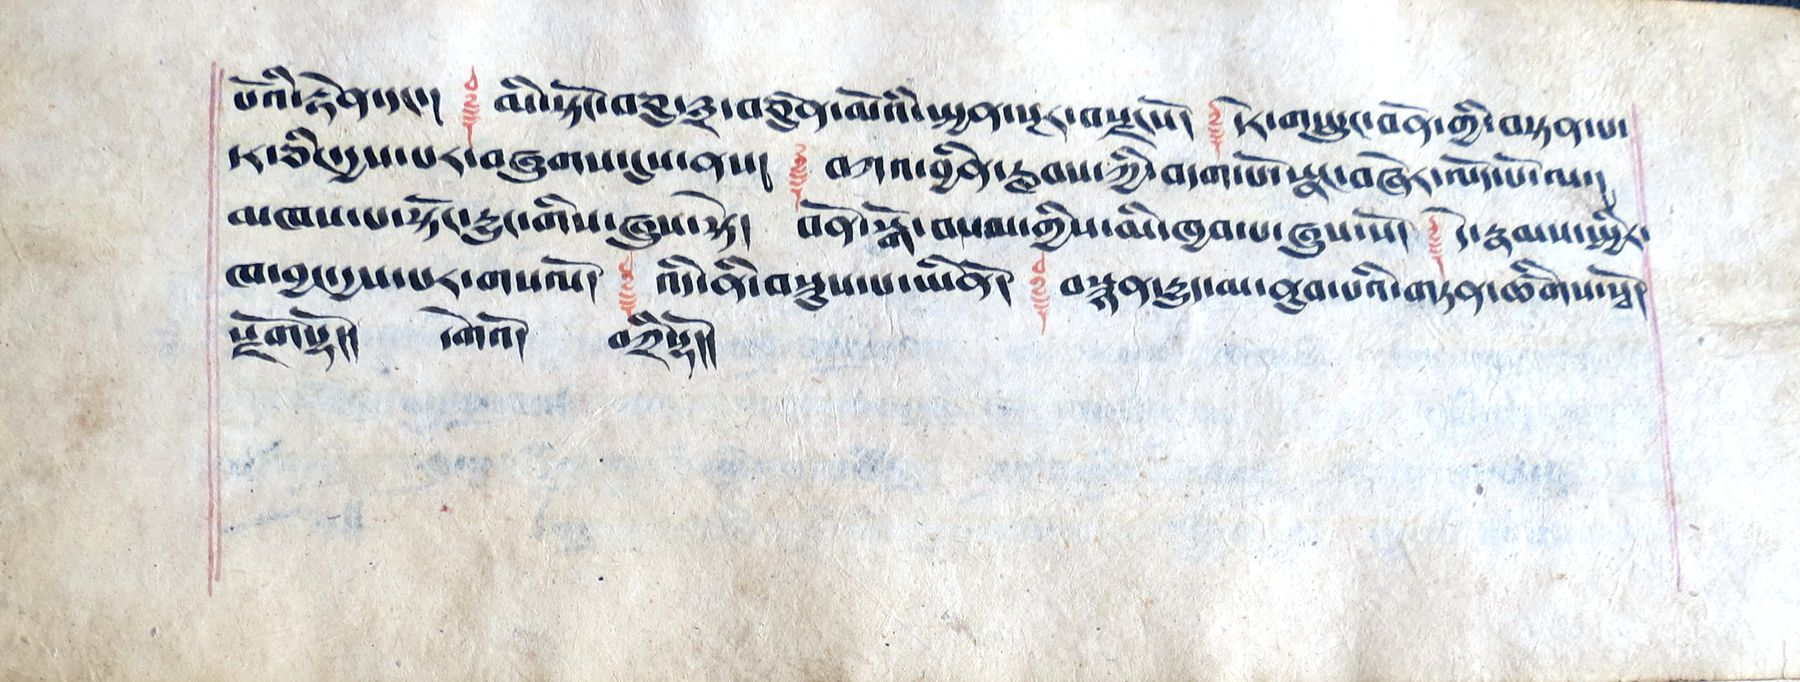པོའི་སྐུ་ཚད་དང་མི་སྟོང་བཅུ་གསུམ་བཙུན་མོའི་སྤྱན་སྔར་བརྫངས་སོ། ། དེར་གཡུང་དྲུང་བོན་གྱི་བསྟན་པ་
དར་ཞིང་རྒྱས་པར་བཞུགས་དུས་ནས། བཀའ་བྱིན་རླབས་ཀྱི་བདག་པོ་གྱེར་སྤུངས་སྣང་བཞེར་ལོད་པོ་ལ། 
མཁས་པ་སྟོང་རྒྱུང་གིས་ཞུས་ཏེ། བོན་སྒོ་བསམ་གྱིས་མི་ཁྱབ་པ་ཞུས་སོ། ། དེ་རྣམས་སྤྱིར་
ཁ་བྱང་རྒྱས་པར་གསལ་ལོ། འདི་ནི་བསྡུས་པ་ཡིན་ནོ། ། སྙན་བརྒྱུད་མ་ནུབ་པའི་གཏན་ཚིགས་སྭོ། 
། རྫོགསྷོ། ། དགེའོ། ། བཀྲ་ཤིས་སོ། །